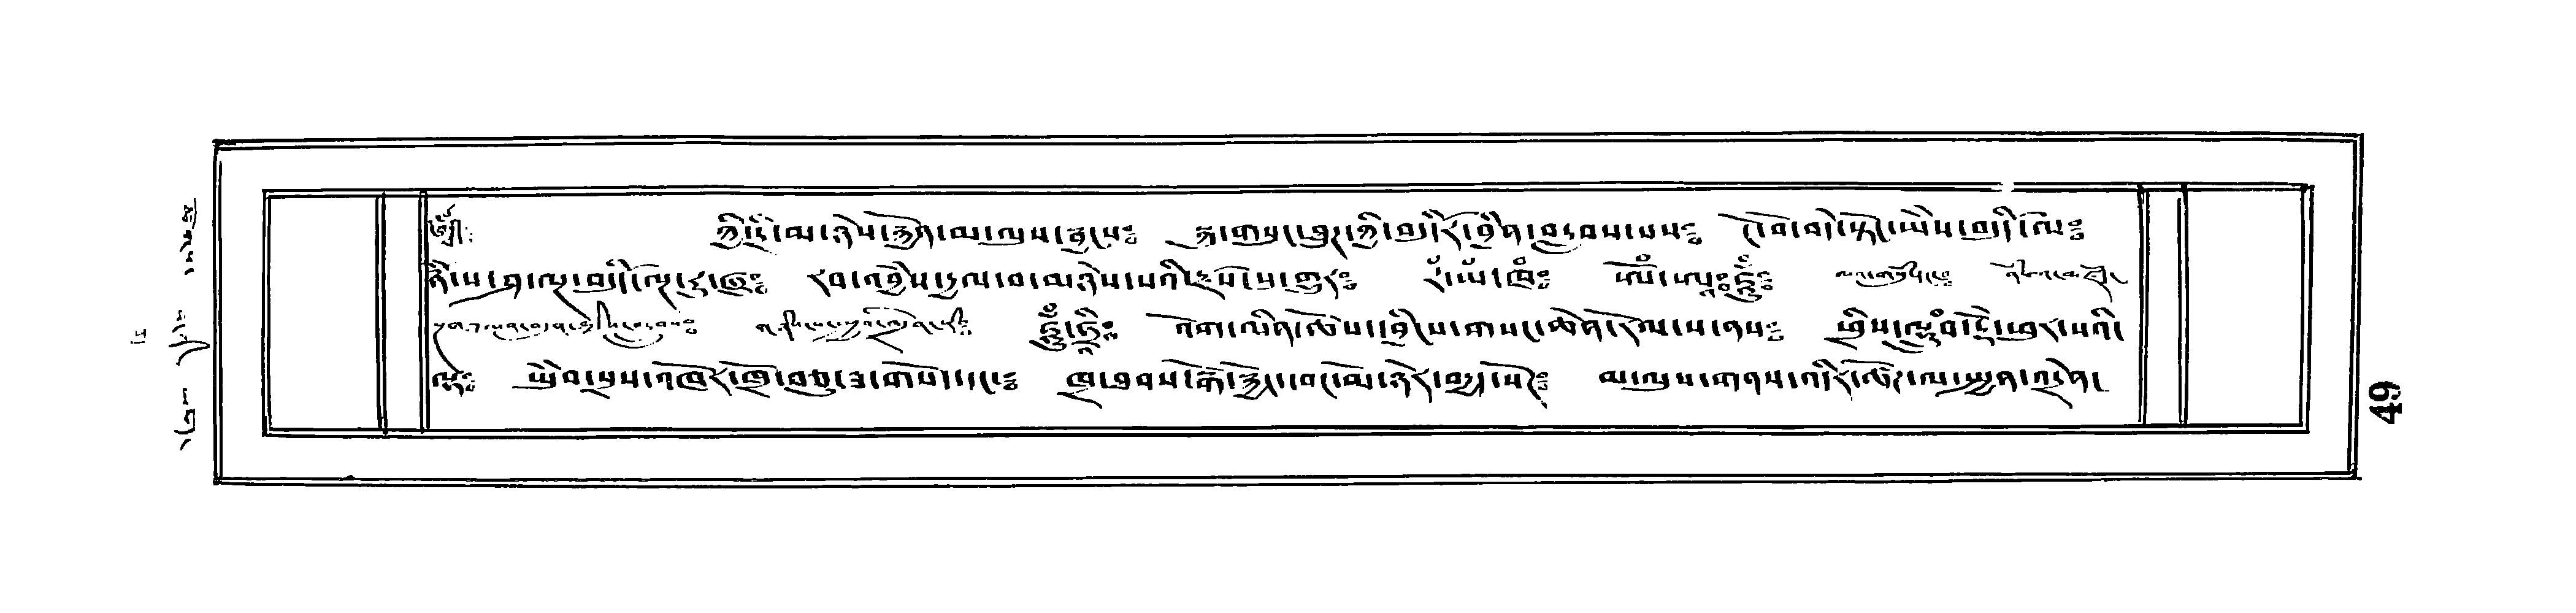ཀྱི་དྲི་མ་ཉེས་སྐྱོན་མ་ལུས་སྦྱངས༔ སྐུ་གསུང་ཐུགས་ཀྱི་བདུད་རྩིར་བྱིན་བརླབས་པས༔ ངོ་བོ་བདེ་སྟོང་ཡེ་ཤེས་བདུད་རྩི་ལ༔ 
རྣམ་པ་ཤ་ལྔ་བདུད་རྩི་ལྔ་རུ་ཞུ༔ རབ་འབྱམས་རྒྱལ་བ་མཉེས་པའི་རྫས་སུ་གྱུར༔ རྃ་ཡྃ་ཁྃ༔ ཨོཾ་ཨཱཿཧཱུྃ༔ ལན་གསུམ་དང༔ ནམ་མཁའ་མཛོད་
སྔགས་ལན་བདུན་གྱིས་བརླབས༔ གཉིས་པ་སྤྱན་འདྲེན་ནི༔ ཧཱུྃ་ཧྲཱིཿ འོག་མིན་ཆོས་དབྱིངས་གསང་ཆེན་རོལ་པ་ནས༔ ཕྲིན་ལས་ལྷུན་གྲུབ་རྡོ་རྗེ་ཕུར་པའི་
ལྷཿ ཡབ་ཡུམ་སྲས་འཁོར་ཁྲོ་བཅུ་ཟ་གསོད་དང༔ ཁྲ་ཐབས་སྒོ་སྐྱོང་དབང་མོ་ཉེར་བརྒྱད་སོགས༔ མ་ལུས་གནས་འདིར་ཚོགས་ལ་སྤྱན་འདྲེན་